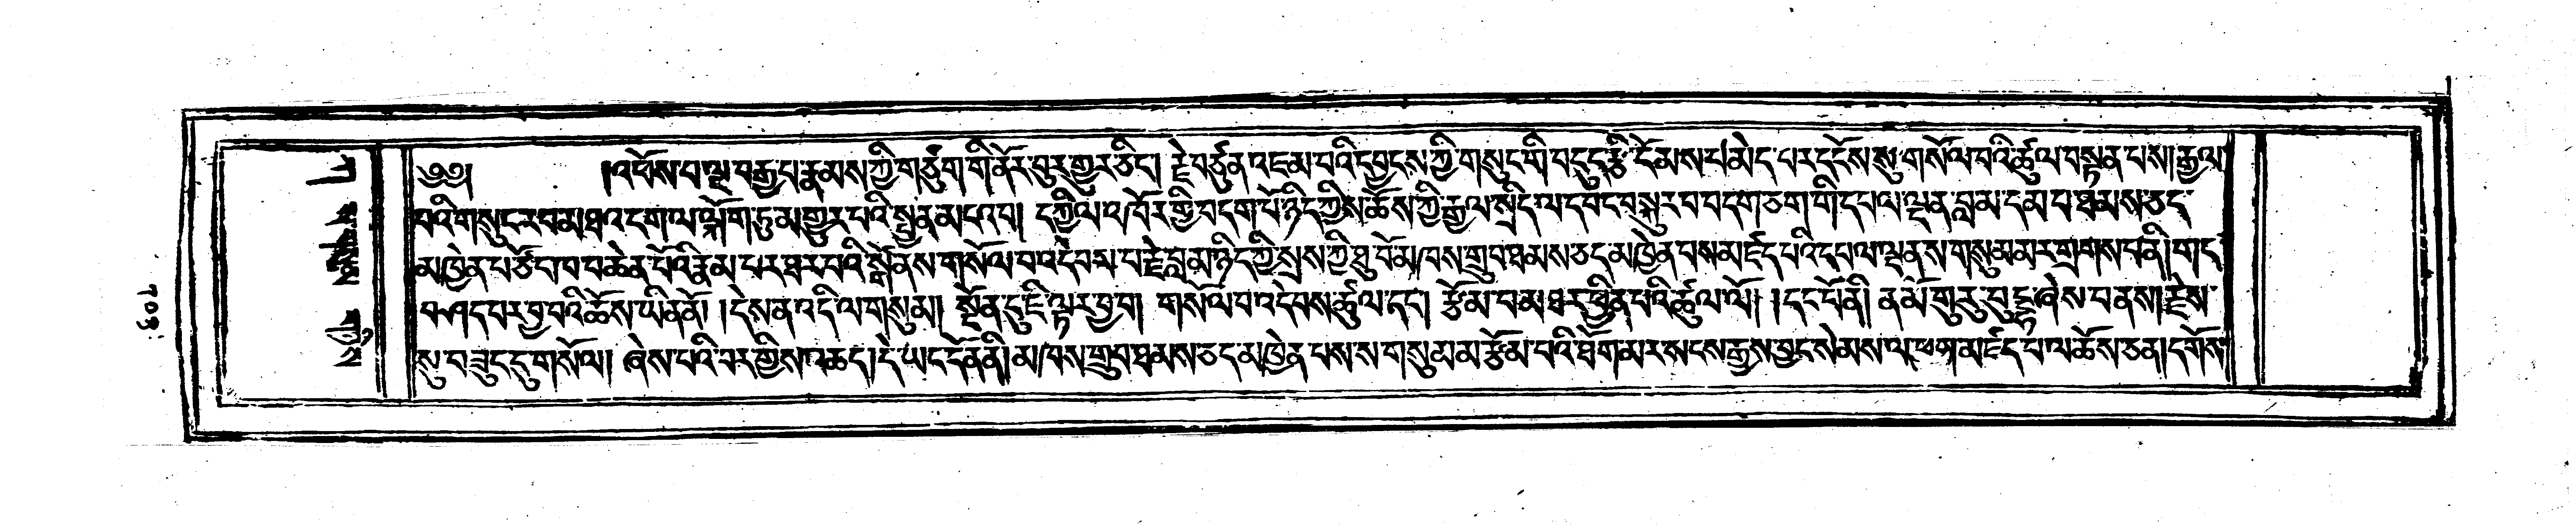༄༅། །འཕོས་པ་ལྔ་བརྒྱ་པ་རྣམས་ཀྱི་གཙུག་གི་ནོར་བུར་གྱུར་ཅིང་། རྗེ་བཙུན་འཇམ་པའི་དབྱངས་ཀྱི་གསུང་གི་བདུད་རྩི་ངོམས་པ་མེད་པར་དངོས་སུ་གསོལ་བའི་ཚུལ་བསྟན་པས། རྒྱལ་
བའི་གསུང་རབ་མཐའ་དག་ལ་ལྐོག་ཏུ་མ་གྱུར་པའི་སྤྱན་མངའ་བ། དཀྱིལ་འཁོར་གྱི་བདག་པོ་ཉིད་ཀྱིས་ཆོས་ཀྱི་རྒྱལ་སྲིད་ལ་དབང་བསྐུར་བ་བདག་ཅག་གི་དཔལ་ལྡན་བླ་མ་དམ་པ་ཐམས་ཅད་
མཁྱེན་པ་ཙོང་ཁ་པ་ཆེན་པོའི་རྣམ་པར་ཐར་པའི་སྒོ་ནས་གསོལ་བ་འདེབས་པ་རྗེ་བླ་མ་ཉིད་ཀྱི་སྲས་ཀྱི་ཐུ་བོ་མཁས་གྲུབ་ཐམས་ཅད་མཁྱེན་པས་མཛད་པའི་དཔལ་ལྡན་ས་གསུམ་མར་གྲགས་པ་ནི། གང་
བཤད་པར་བྱ་བའི་ཆོས་ཡིན་ནོ། །དེས་ན་འདི་ལ་གསུམ། སྔོན་དུ་ཇི་ལྟར་བྱ་བ། གསོལ་བ་འདེབས་ཚུལ་དང་། རྩོམ་པ་མཐར་ཕྱིན་པའི་ཚུལ་ལོ། །དང་པོ་ནི། ན་མོ་གུ་རུ་བུདྡྷ་ཞེས་པ་ནས། རྗེས་
སུ་བཟུང་དུ་གསོལ། ཞེས་པའི་བར་གྱིས་འཆད། དེ་ཡང་དོན་ནི། མཁས་གྲུབ་ཐམས་ཅད་མཁྱེན་པས་ས་གསུམ་མ་རྩོམ་པའི་ཐོག་མར་སངས་རྒྱས་བྱང་སེམས་ལ་ཕྱག་མཛད་པ་ལ་ཆོས་ཅན། དགོས་